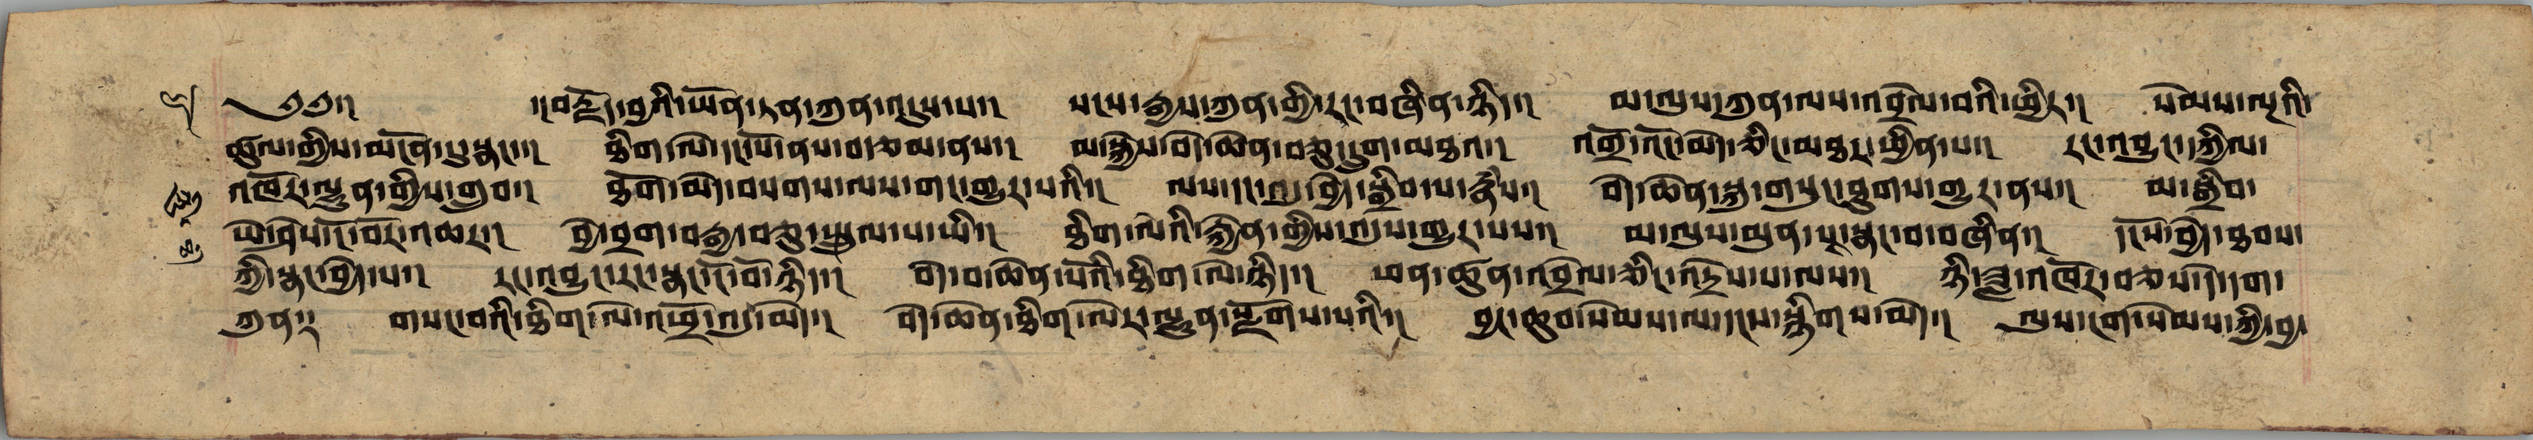༄༅་། ་།བརྗོད་བྱའི་ཡོན་ཏན་ཀུན་འདུས་པ་། སངས་རྒྱས་ཀུན་གྱི་རང་བཞིན་ཉིད་། མ་ལུས་ཀུན་ལས་འབྲེལ་བའི་ཕྱིར་། སེམས་ལྔའི་
ཚུལ་གྱིས་མངོན་དུ་སྣང་་། ཐིག་ལེ་དང་པོ་ནས་བརྩམ་ནས་། མ་སྐྱེས་བདེ་ཆེན་བཅུ་དྲུག་མཐའ་། འགྲོ་འོང་མེད་ཅིང་མཐར་ཕྱིན་པ་། རང་འབྱུང་དཀྱིལ་
འཁོར་ལྷུན་གྱིས་གྲུབ་། ཐོག་མེད་བསགས་ལས་གང་གྱུར་པའི་། ལས་དང་འདུ་བྱེད་སྒྲིབ་པ་རྣཾས་། བདེ་ཆེན་སྐུ་གསུང་ཐུགས་གྱུར་ནས་། མ་སྒྲིབ་
ཡེ་ཤེས་ངོ་བོར་འཆར་། བྱེ་བྲག་བརྒྱ་བཅུ་སྤྲུལ་པ་ཡི་། ཐིག་ལེའི་རྐྱེན་གྱིས་འདུས་གྱུར་པས་། མ་ལུས་མུན་པ་སྣང་བ་བཞིན་། དངོས་བྱེད་ཐབས་
ཀྱི་སྣང་བྱེད་པ་། རང་འབྱུང་རང་སྣང་ངོ་བོ་ཉིད་། བདེ་བ་ཆེན་པོའི་ཐིག་ལེ་ཉིད་། ཕན་ཚུན་འབྲེལ་ཅིང་འདྲེས་པ་ལས་། ཉི་ཟླ་འཁོར་བཅས་དེ་དག་
ཀུན༑ གསང་བའི་ཐིག་ལེ་འཕྲོ་འདུ་མེད་། བདེ་ཆེན་ཐིག་ལེར་ལྷུན་སྫོགས་པའི་། བྱང་ཆུབ་སེམས་ལ་དངས་སྙིགས་མེད་། ལུས་ངག་སེམས་ཀྱི་བྱ་